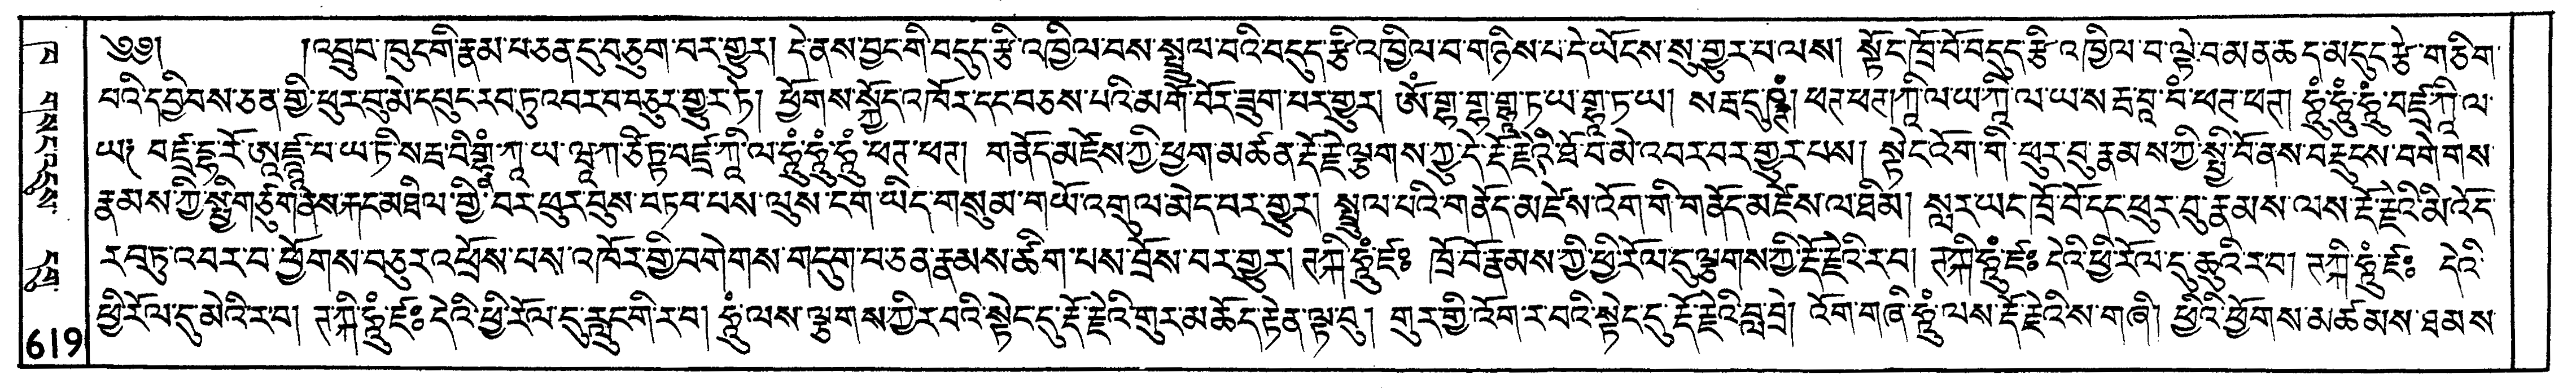༄༅། །འབྲུབ་ཁུང་གི་རྣམ་པ་ཅན་དུ་བཅུག་བར་གྱུར། དེ་ནས་བྱང་གི་བདུད་རྩི་འཁྱིལ་བས་སྤྲུལ་བའི་བདུད་རྩི་འཁྱིལ་བ་གཉིས་པ་དེ་ཡོངས་སུ་གྱུར་པ་ལས། སྟོང་ཁྲོ་བོ་བདུད་རྩི་འཁྱིལ་བ་ལྟེ་བ་མན་ཆད་མདུད་རྩེ་གཅིག་
པའི་དབྱིབས་ཅན་གྱི་ཕུར་བུ་མེ་དཔུང་རབ་ཏུ་འབར་བ་བཅུར་གྱུར་ཏེ། ཕྱོགས་སྐྱོད་འཁོར་དང་བཅས་པའི་མགོ་བོར་ཟུག་པར་གྱུར། ཨོཾ་གྷ་གྷ་གྷཱ་ཏ་ཡ་གྷཱ་ཏ་ཡ། སརྦ་དུ་ཥྚཾ། ཕཊ་ཕཊ། ཀཱི་ལ་ཡ་ཀཱི་ལ་ཡ་སརྦ་བཱ་བཾ་ཕཊ་ཕཊ། ཧཱུཾ་ཧཱུཾ་ཧཱུཾ་བཛྲ་ཀཱི་ལ་
ཡ༑ བཛྲ་དྷ་རོ་ཨཱཛྙཱ་པ་ཡ་ཏི་སརྦ་བིགྷྣཾ་ཀཱ་ཡ་ཝཱ་ཀ་ཙི་ཏྟ་བཛྲ་ཀཱི་ལ་ཧཱུཾ་ཧཱུཾ་ཧཱུཾ་ཕཊ་ཕཊ། གནོད་མཛེས་ཀྱི་ཕྱག་མཚན་རྡོ་རྗེ་ལྕགས་ཀྱུ་དེ་རྡོ་རྗེའི་ཐོ་བ་མེ་འབར་བར་གྱུར་པས། སྟེང་འོག་གི་ཕུར་བུ་རྣམས་ཀྱི་སྤྱི་བོ་ནས་བརྡུངས་བགེགས་
རྣམས་ཀྱི་སྤྱི་གཙུག་ནས་རྐང་མཐིལ་གྱི་བར་ཕུར་བུས་བཏབ་པས་ལུས་ངག་ཡིད་གསུམ་གཡོ་འགུལ་མེད་པར་གྱུར། སྤྲུལ་པའི་གནོད་མཛེས་འོག་གི་གནོད་མཛེས་ལ་ཐིམ། སླར་ཡང་ཁྲོ་བོ་དང་ཕུར་བུ་རྣམས་ལས་རྡོ་རྗེའི་མི་འོད་
རབ་ཏུ་འབར་བ་ཕྱོགས་བཅུར་འཕྲོས་པས་འཁོར་གྱི་བགེགས་གདུག་པ་ཅན་རྣམས་ཚིག་པས་བྲོས་བར་གྱུར། ཊཀྐི་ཧཱུཾ་ཛཿ ཁོར་བོ་རྣམས་ཀྱི་ཕྱི་རོལ་དུ་ལྕགས་ཀྱི་རྡོ་རྗེའི་ར་བ། ཊཀྐི་ཧཱུཾ་ཛཿ དེའི་ཕྱི་རོལ་དུ་ཆུའི་ར་བ། ཊཀྐི་ཧཱུཾ་ཛཿ དེའི་
ཕྱི་རོལ་དུ་མེའི་ར་བ། ཊ་ཀྐི་ཧཱུཾ་ཛཿ དེའི་ཕྱི་རོལ་དུ་རླུང་གི་ར་བ། ཧཱུཾ་ལས་ལྕགས་ཀྱི་ར་བའི་སྟེང་དུ་རྡོ་རྗེའི་གུར་མཆོད་རྟེན་ལྟ་བུ། གུར་གྱི་འོག་ར་བའི་སྟེང་དུ་རྡོ་རྗེའི་བླ་བྲེ། འོག་གཞི་ཧཱུཾ་ལས་རྡོ་རྗེའི་ས་གཞི། ཕྱིའི་ཕྱོགས་མཚམས་ཐམས་